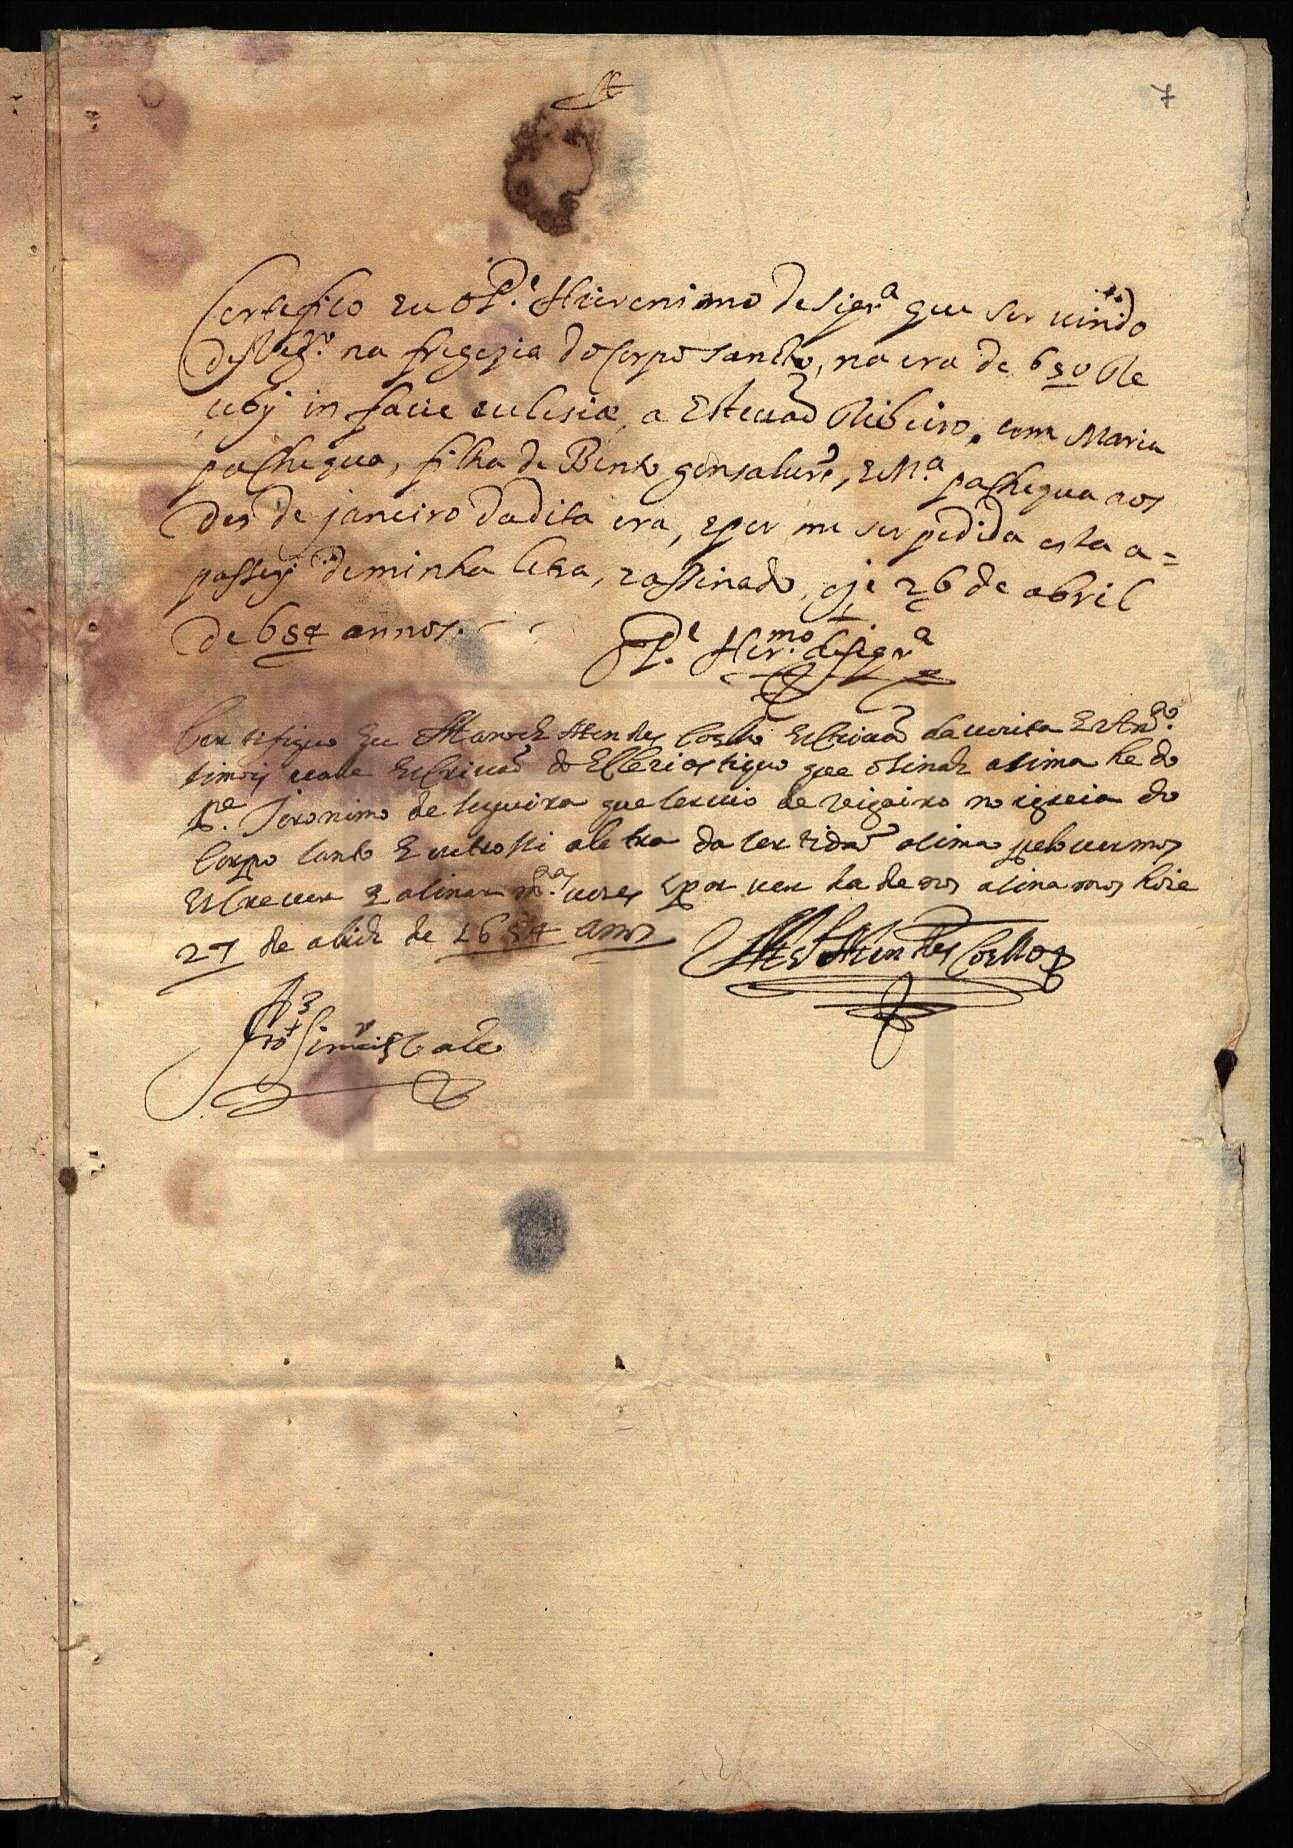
Certefico Eu o P.e Hieronimo de Siqra que seruindo
de Vig.ro na fregezia do Corpo sancto, na era de 650 Re
ceby in facie ecclesiæ, a Esteuaõ Ribeiro, com Maria
paChequa, filha de Bento gonsalurē, e M.a paChequa aos
des de janeiro da dita era, E por me ser pedida esta a
passey de minha letra, e assinado, oje 26 de abril
de 654 annos.
O P.e Her.mo de siqra
Certifiquo Eu Manoel Mendes Coelho EsCriuaõ da uezita E Anto.
simois uale EsCriuaõ do ECleziastiquo que o sinal asima he do
P.e Jeronimo de sequeira, que seruio de vigairo no igreia do
Corpo santo E outrossi a letra da sertidaõ asima pelo uermos
EsCreuer E asinar m.tas uezes E por uerdade nos asinamos hoie
27 de abril de 1654 anos
Mel Mendes Coelho
Ant̄ Simõis Vale
